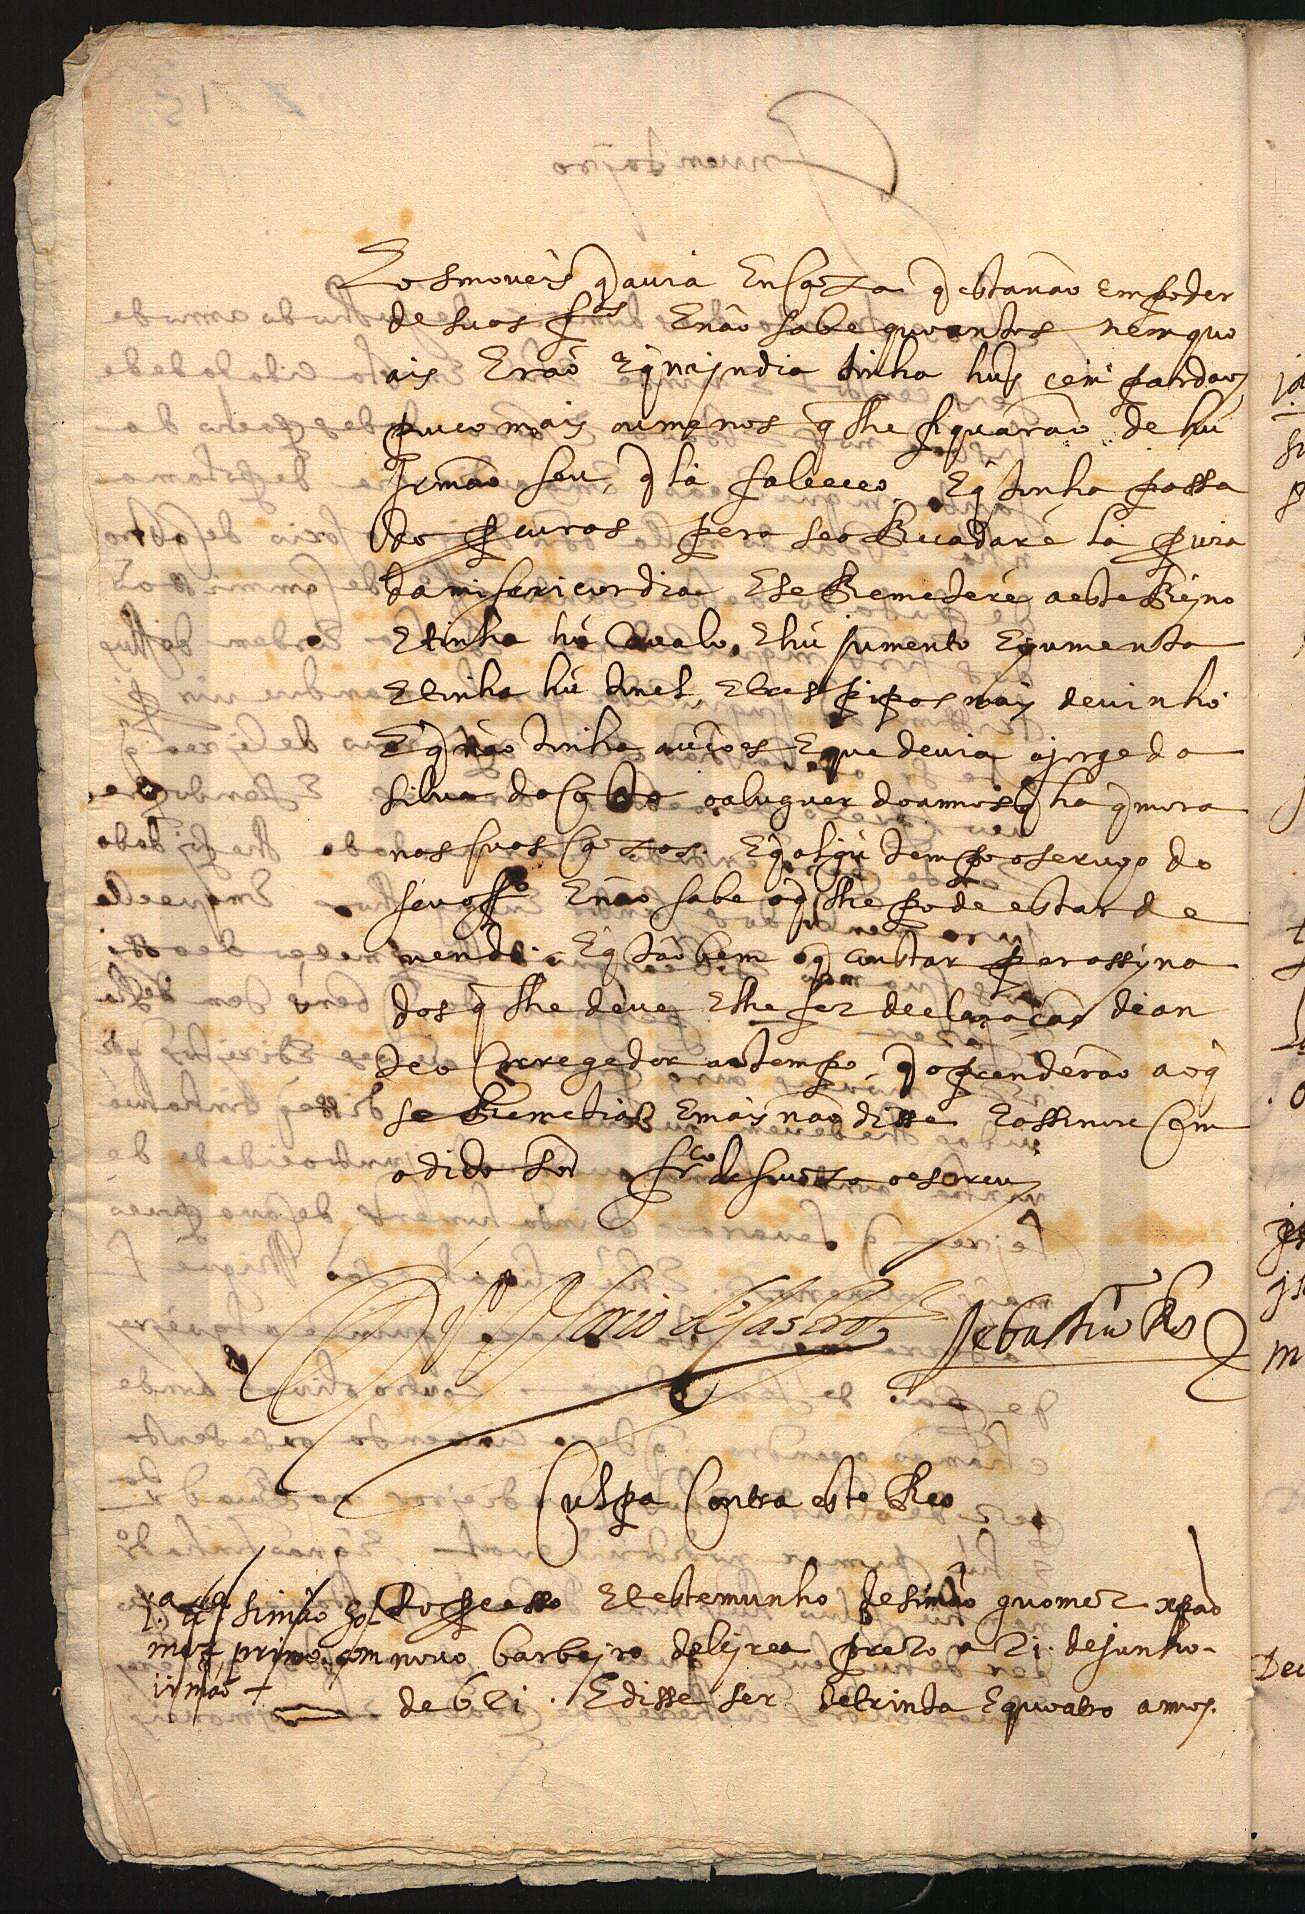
E os moueis q̄ auia En Caza q̄ estauão Em poder
de suas fas E não sabe quoantos nem quo
ais Erão E q̄ na jndia tinha hūs cem pardaos
pouco mais ou menos q̄ lhe fiquarão de hū
Jrmão seu, q̄ la falecceo E q̄ tinha passa
do ꝓcuras pera se aRecadarē La ꝓuiza
da misericordia E se Remeterē a este Rejno
E tinha hū Caualo, E hū jumento E jumenta
E tinha hū tonel, E tres pipos mais de uinho
E q̄ não tinha aucões E que deuia a jorge da
silua da Costa o aluguer do annos q̄ ha q̄ mora
nas suas Cazas. E q̄ algū tempo o seruyo do
seu offo E não sabe o q̄ lhe pode estar de
uendo. E q̄ taõbem o q̄ constar per assyna
dos q̄ lhe deue E lhe fez declaração dean
te o Corregedor ao tempo, q̄ o prenderão ao q̄
se Remetiaõ E mais não disse E assinou Com
o dito sor̄ frco de souza o escreuj
Culpa Contra este Reo
Do ꝓcesso E testemunho de simão guomez xpão
nouo barbejro de lejrea prezo a 2i. de junho
de 62i. E disse ser de trinta E quoatro annos.
